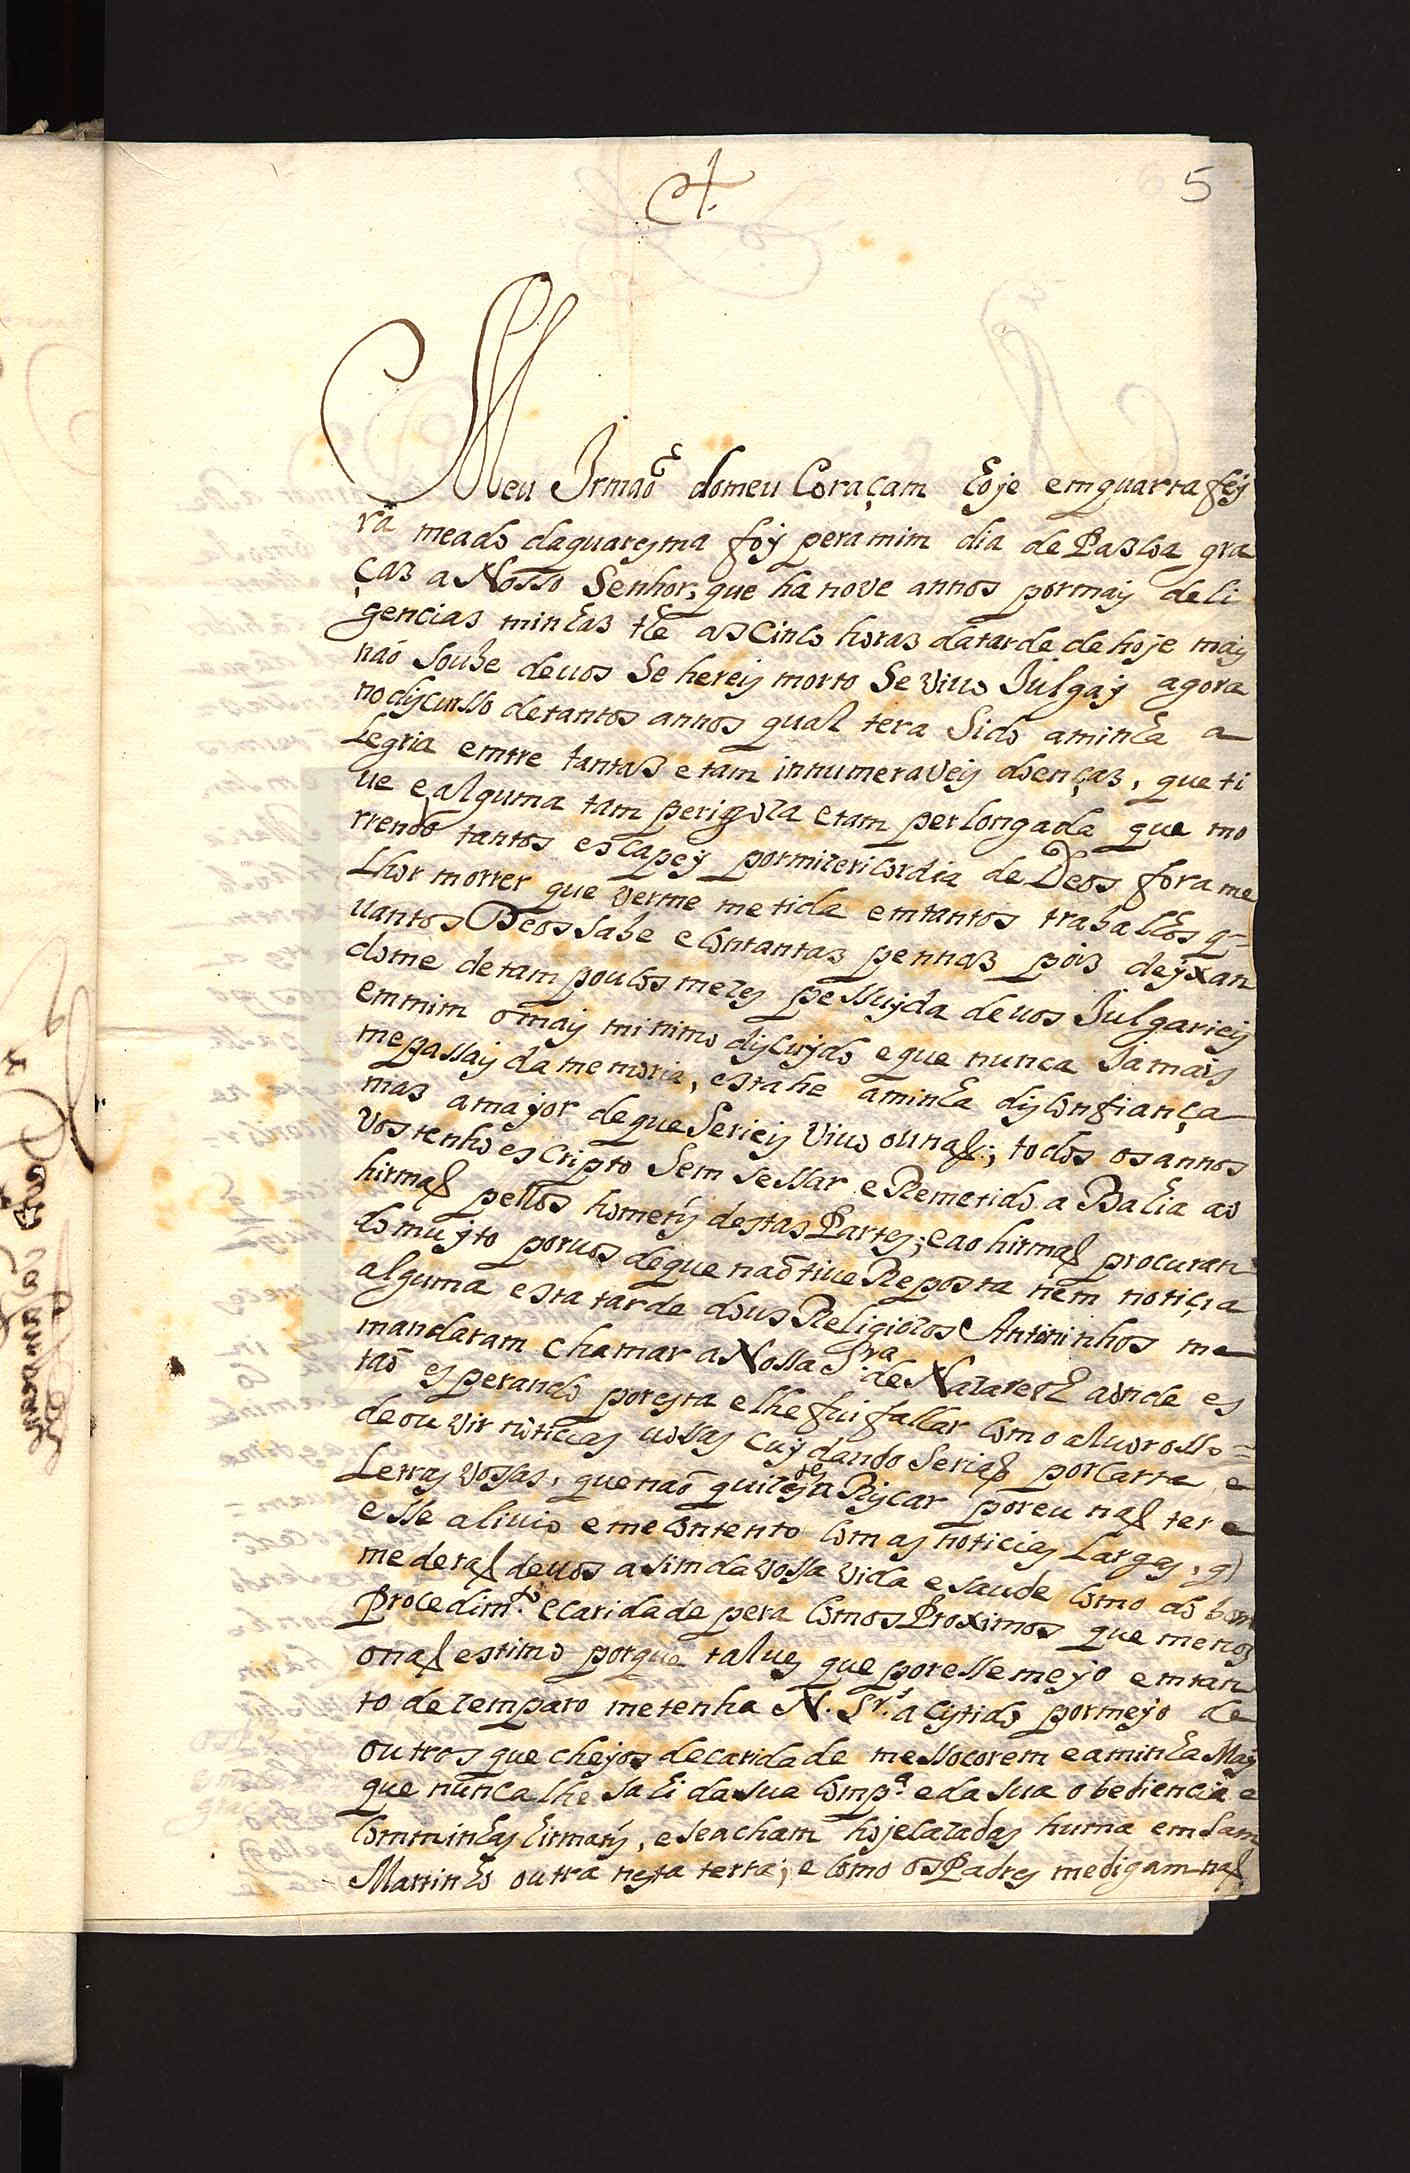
et.
Meu Irmaõ do meu Coraçam hoje em quarta fej
ra meado da quaresma foy pera mim dia de PasCoa gra
ças a Nosso Senhor, que ha nove annos por mais deli
gencias minhas the as cinco horas da tarde de hoje mais
naõ soube de uos Se hereis morto Se viuo Iulgay agora
no discursso de tantos annos qual tera Sido a minha a
Legria, emtre tantas, e tam innumeraveis doenças, que ti
ue e alguma tam perigoza e tam perlongada que mo
rrendo tantos escapey por mizericordia de Deos fora me
Lhor morrer que verme metida em tantos trabalhos q
uantos Deos sabe e con tantas pennas pois deyxan
dome de tam pouCos mezes pessciyda de uos Iulgarieis
em mim o mais intimo disCuydo e que nunca Iamais
me passais da memoria, esta he a minha disConfiança
mas a mayor de que Serieis viuo ou naõ; todos os annos
vos tenho escripto sem sessar e Remetido a Bahia ao
hirmaõ pellos homen̄s destas Partes; e ao hirmaõ procuran
do muyto por uos de que naõ tiue Reposta nem noticia
alguma esta tarde dous Religiozos Antoninhos me
mandaram chamar a Nossa S.ra de Nazareth aonde es
taõ esperando por esta e lhe fui fallar Com o aluorosso
de ouvir noticias uossas cuydando seriaõ por carta e
Letras vossas, que naõ quizestes aRiscar por eu naõ ter a
esse aliuio e me contento com as noticias Largas, q̄
me deraõ de uos asim da vossa vida e saude Como do bom
procedim.to e caridade pera Com os Proximos que menos
o naõ estimo porquo talues que por esse meyo emtan
to dezemparo me tenha N. Sr̄. acistido por meyo de
outros que cheyos de caridade me ssocorem e a minha May
que nunca lhe sahi da sua comp.a e da sua obediencia e
Com minhas hirman̄s, e se acham hoje cazadas huma em sam
Martinho outra nesta terra; e Como os Padres me digam naõ
